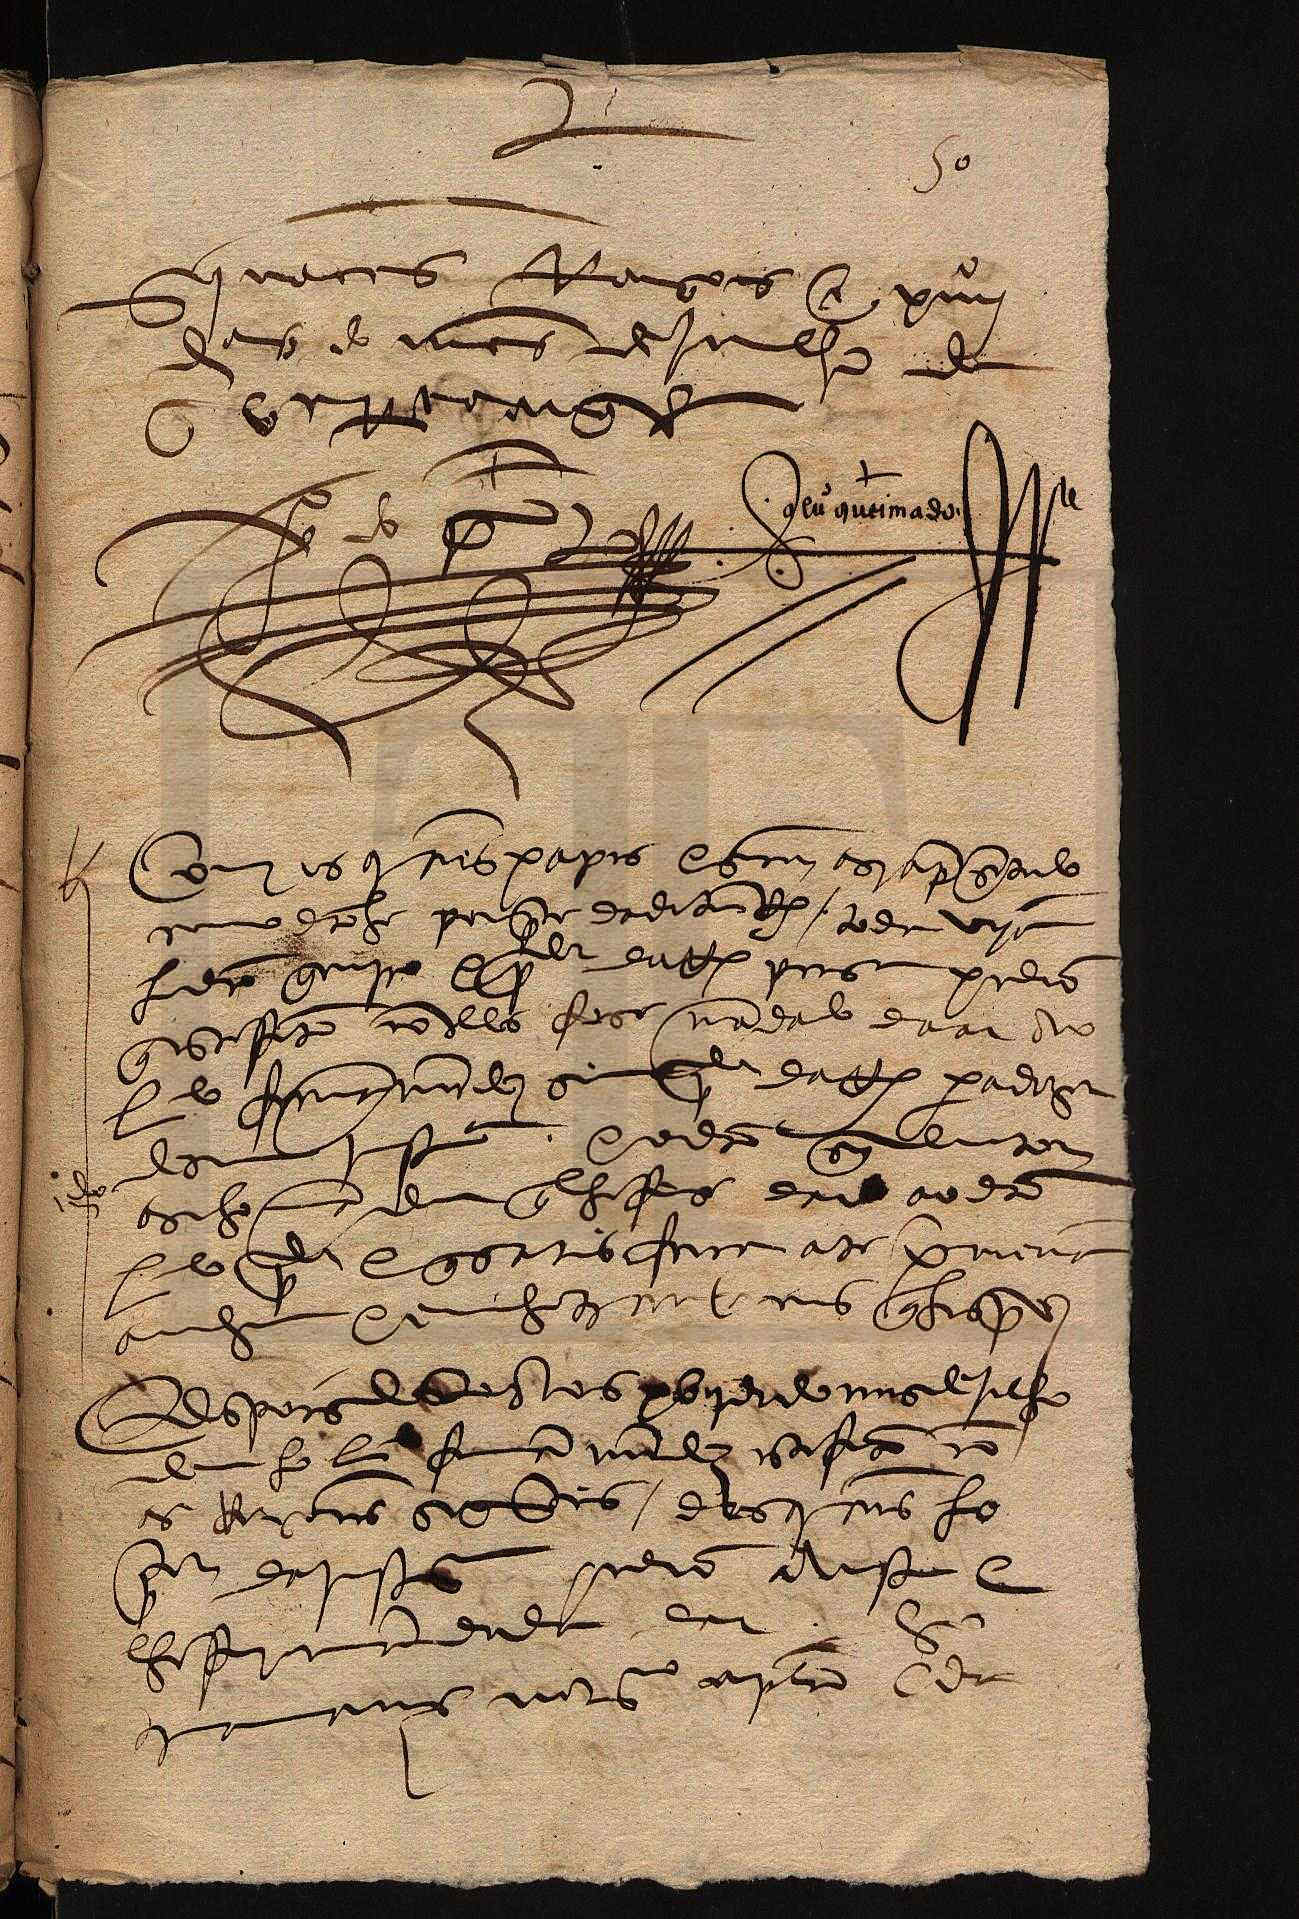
sjnaes Rasos ē xiiijo
djas do mes de Julho de
j̄ vc Rta anꝯ
aluo queimado
Yo do p̄oto
Rꝭ
Com os quaes papes e sn̄ça asj ap̄sētado
como dt̄o he por p̄te da dita Rꝭ / todavya
ho dtō genrro e pdor da Rꝭ presa pedio
q̄ este fctō c̄o elles fose mādado daar Ao
Ldo fernā mēdez seu pdor da Rꝭ ꝑa dizer
de sua Justa . e o dt̄o s̄or doutor
mdo
asi ho mādou q̄ lhe fose dado ao dt̄o
Ldo pdor e q̄ satisfaça ate p̄meira
audja e eu djo trauaços q̄ ho esp̄vy
E despois desto Aos xbij di do mes de Julho
deu ho Ldo fernā mēdez este fctō c̄o
as Rezõees seguj̄tes / das quaes ho
ptor da Justa pedio a vista e
lhe foy mādada dar . djo
trauaços notro aplco e da
